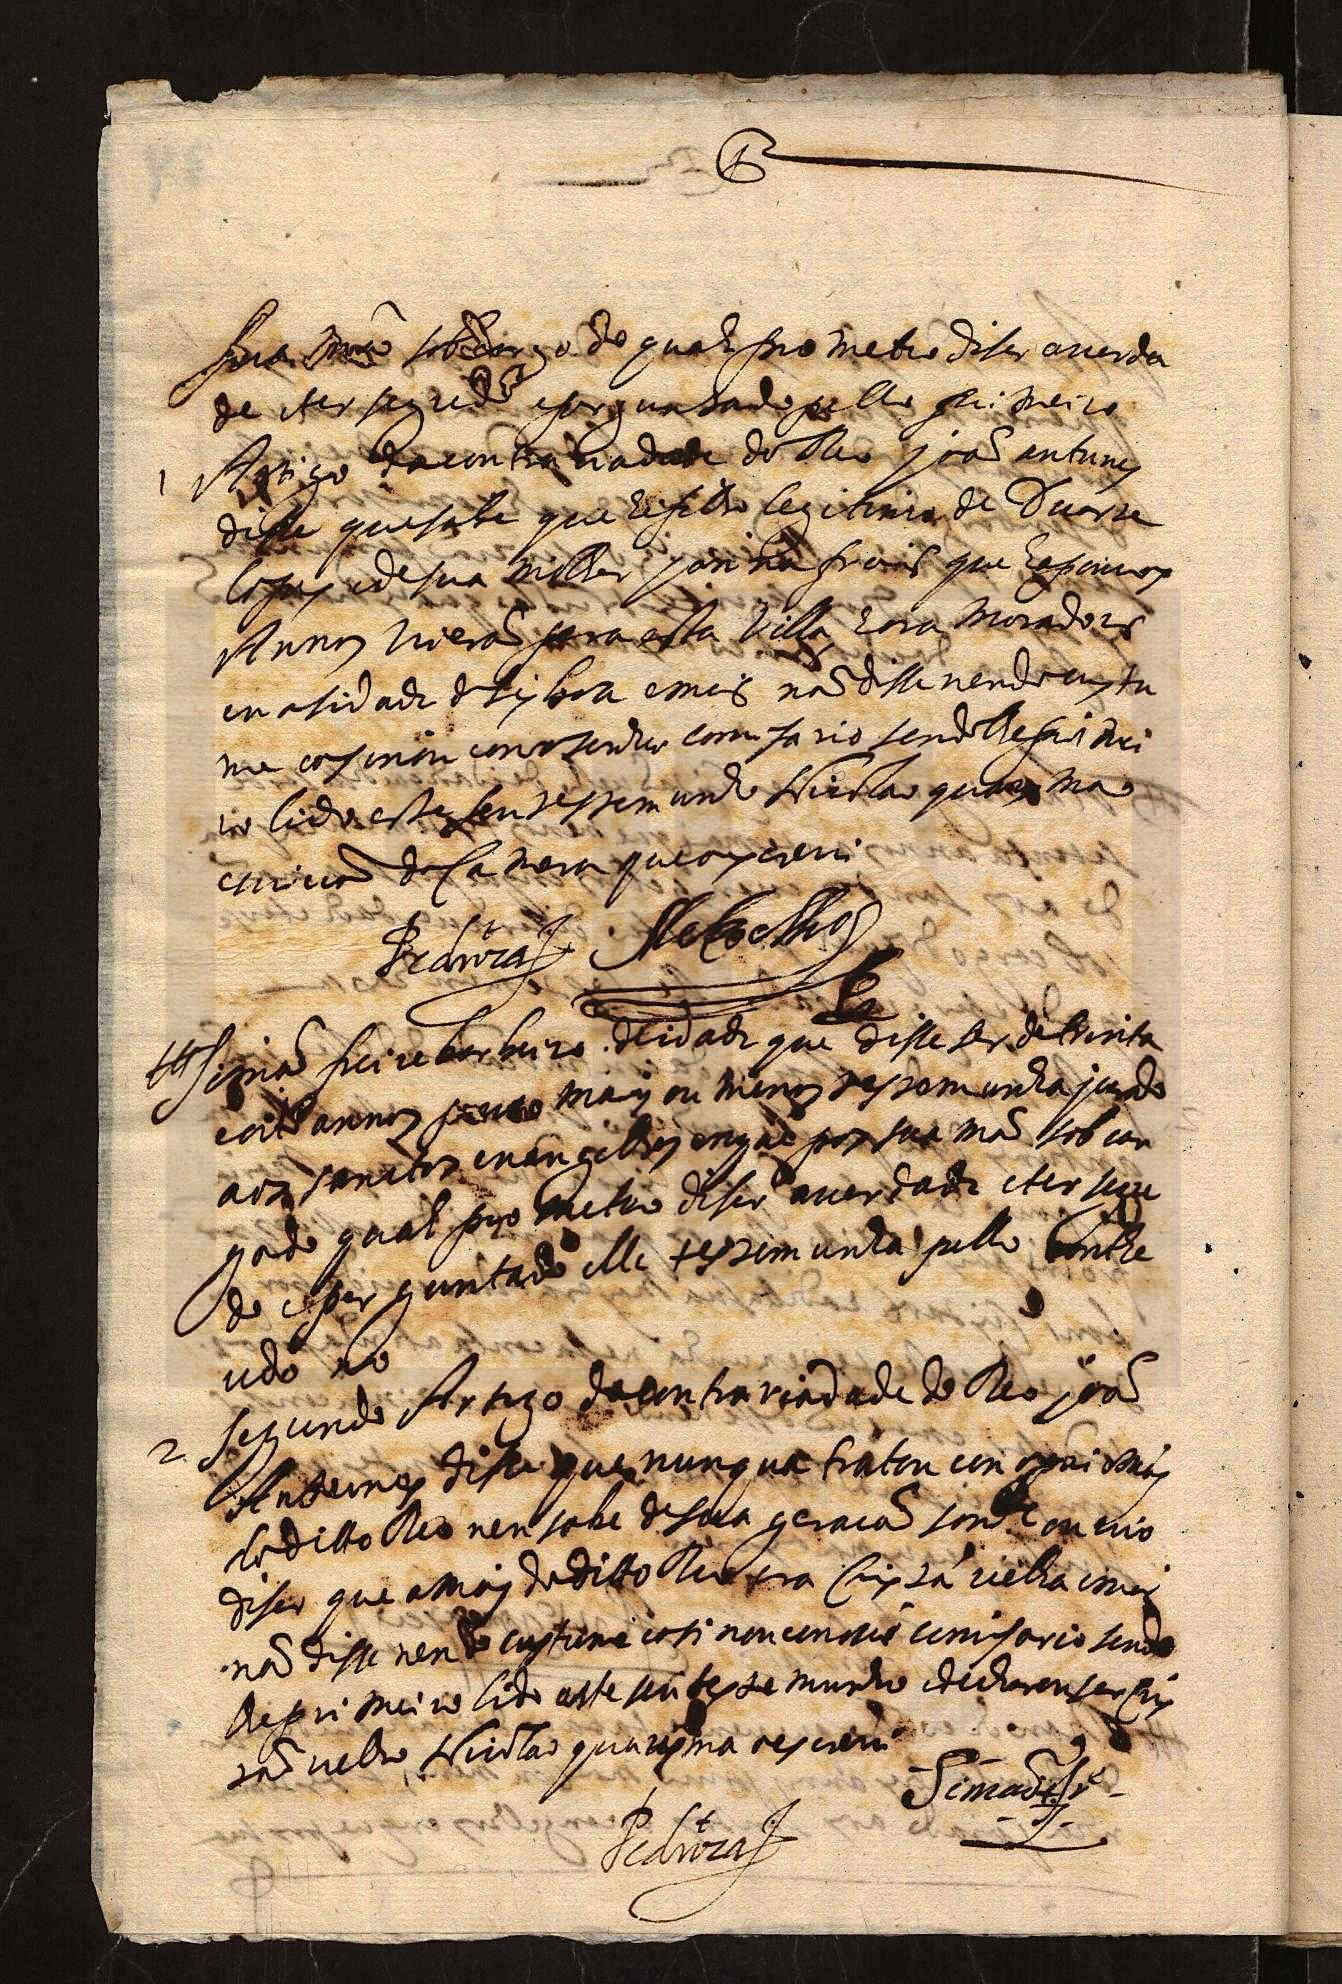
sua maõ sob cargo do qual prometeo diser a uerda
de e ter segredo e perguntado pello primeiro
1 Artigo da contrariadade do Reo joaõ antunes
disse que sabe que he filho legitimo de Duarte
lopes e de sua molher joana froins que ha poucos
Annos uieraõ para esta Villa, E ora moradores
en a sidade de Lisboa e mais naõ disse nen do custu
me e asinou con o senhor comisario sendolhe primei
ro lido este seu testemunho Nicolao quaresma
escriuaõ da Camera que o escreui
Mel Coelho
Pedroza
item Simaõ freire barbeiro de idade que disse ser de trinta
e oito annos pouco mais ou menos testemunha jurado
aos sanctos euangelhos en que pos sua maõ sob car
go do qual prometeo diser a uerdade e ter segre
do e perguntado elle testemunha pello conthe
udo no
2 segundo Artigo da contrariadade do Reo joaõ
Antunes disse que nunqua tratou con o pai e maj
do ditto Reo nem sabe de sua geraçaõ som.te ouuio
diser que a maj do ditto Reo era Cristā uelha e mais
naõ disse nen do custume e asinou con o sor̄ comisario sendo
lhe primeiro lido este seu testemunho e declarou ser Cris
taõ uelho Nicolao quaresma o escreui
Simaõ fre
Pedroza
